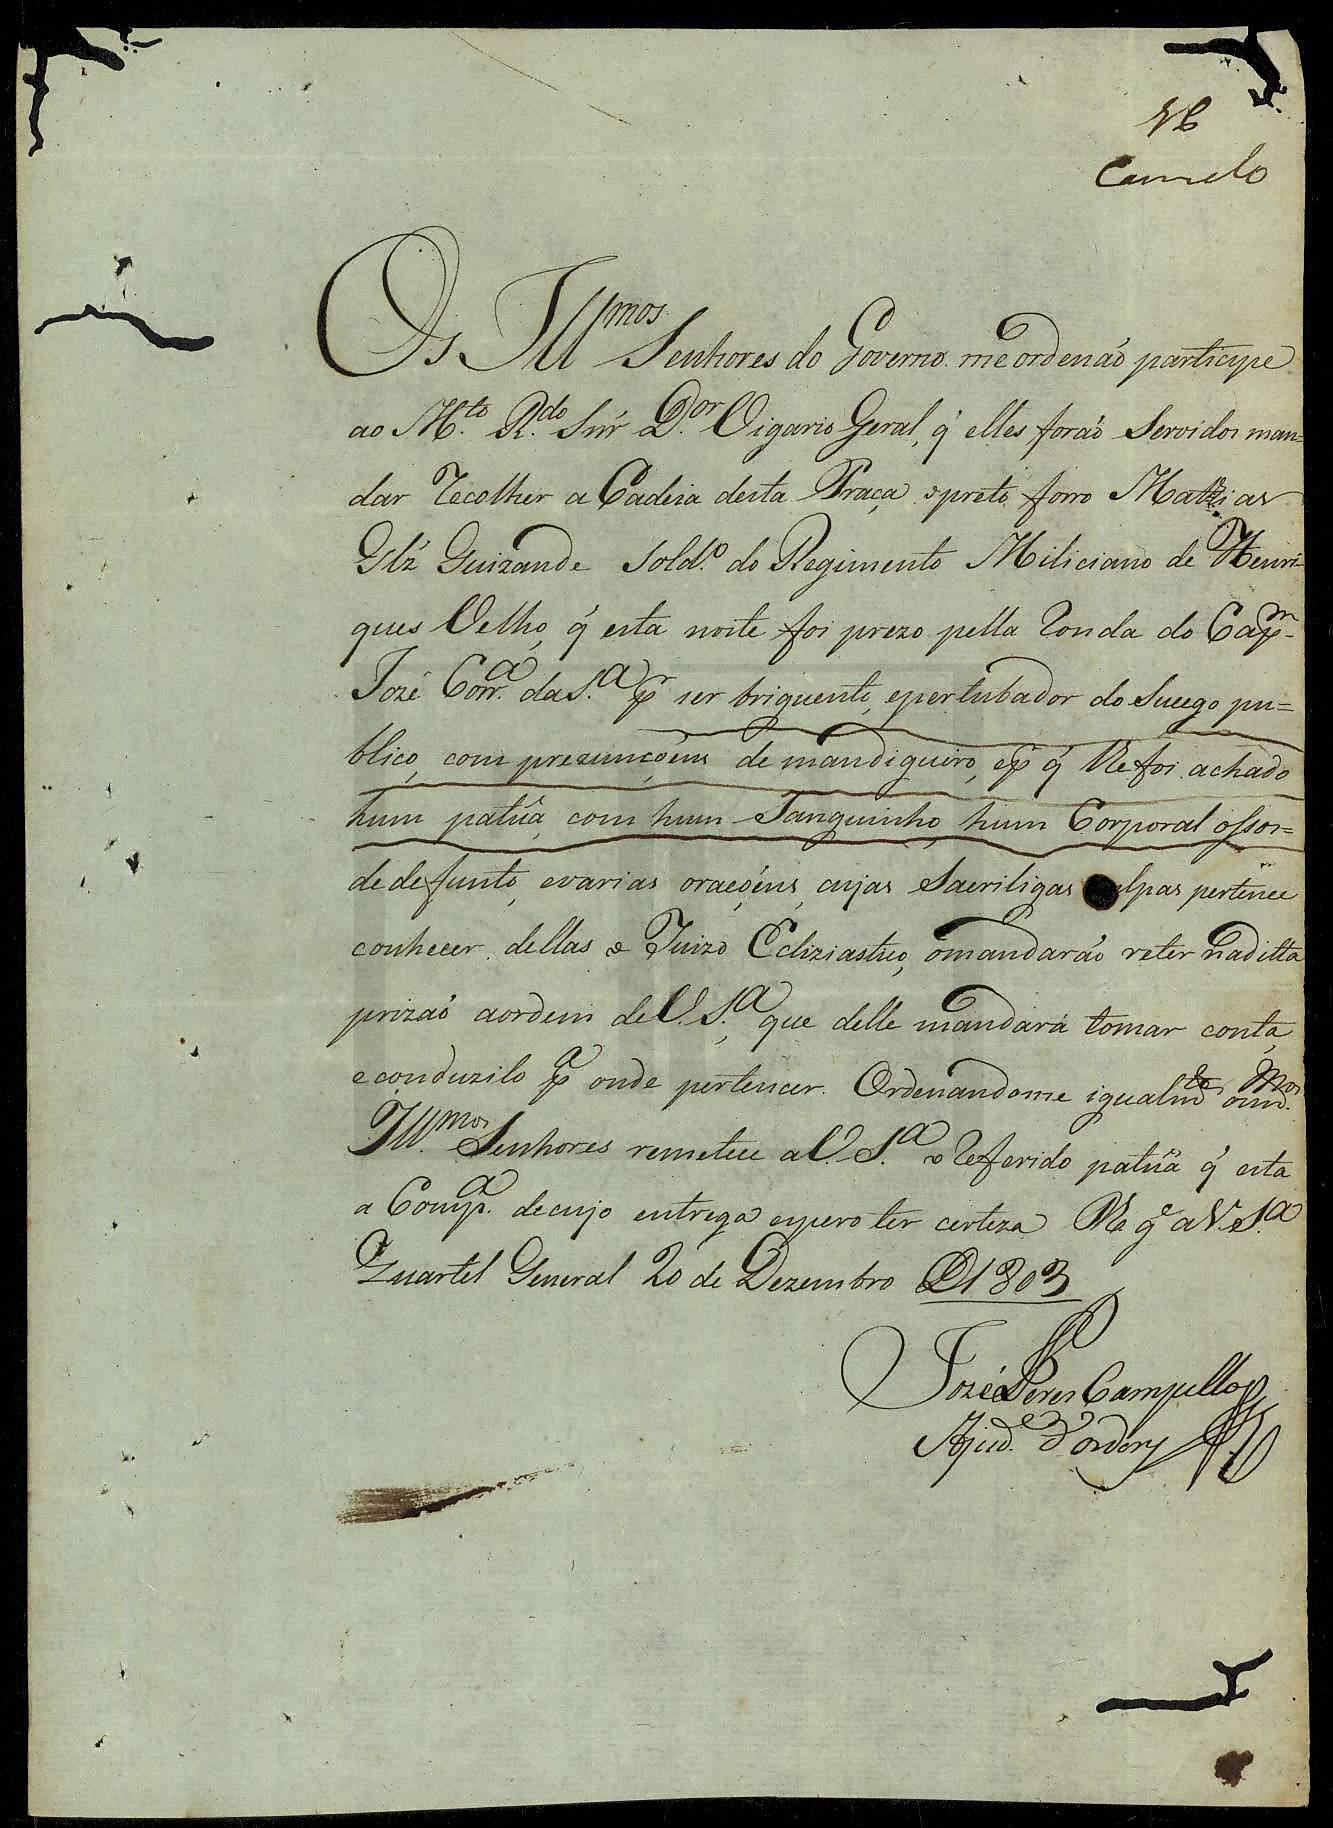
16
Camelo
Os IIl.mos Senhores do Governo me ordenaraõ participe
ao M.to R.do Snr̄. D.or Vigario Geral, q̄ elles foraõ Servidos man
dar Recolher a Cadeia desta Praça o preto forro Mathias
Glz̄ Guizande Sold.o do Regimento Miliciano de Henri
ques Velho, q̄ esta noite foi prezo pella Ronda do Cap.m
Iozé Corr.a da S.a p.r ser briguento, e pertubador do Sucego pu
blico com prezunçoẽns de mandigueiro, e p.r q̄ lhe foi achado
hum patuá, com hum Sanguinho, hum Corporal ossos
de defunto e varias oracoẽns, cujas Sacriligas _lpas pertence
conhecer dellas o Iuizo Ecliziastico, o mandaraõ reter na ditta
prizaõ a ordem de V. S.a, que delle mandará tomar conta,
e conduzilo p.a onde pertencer. Ordenandome igualm.te os m.mos
Ill.mos Senhores remeteu a V. S.a o Referido patuá q̄ esta
a Comp.a de cujo entrega espero ter certeza lhe g.e a V S.a
Quartel General 20 de Dezembro d̄ 1803
Jozé Peres Campello
Ajud.e d̄ ordens
